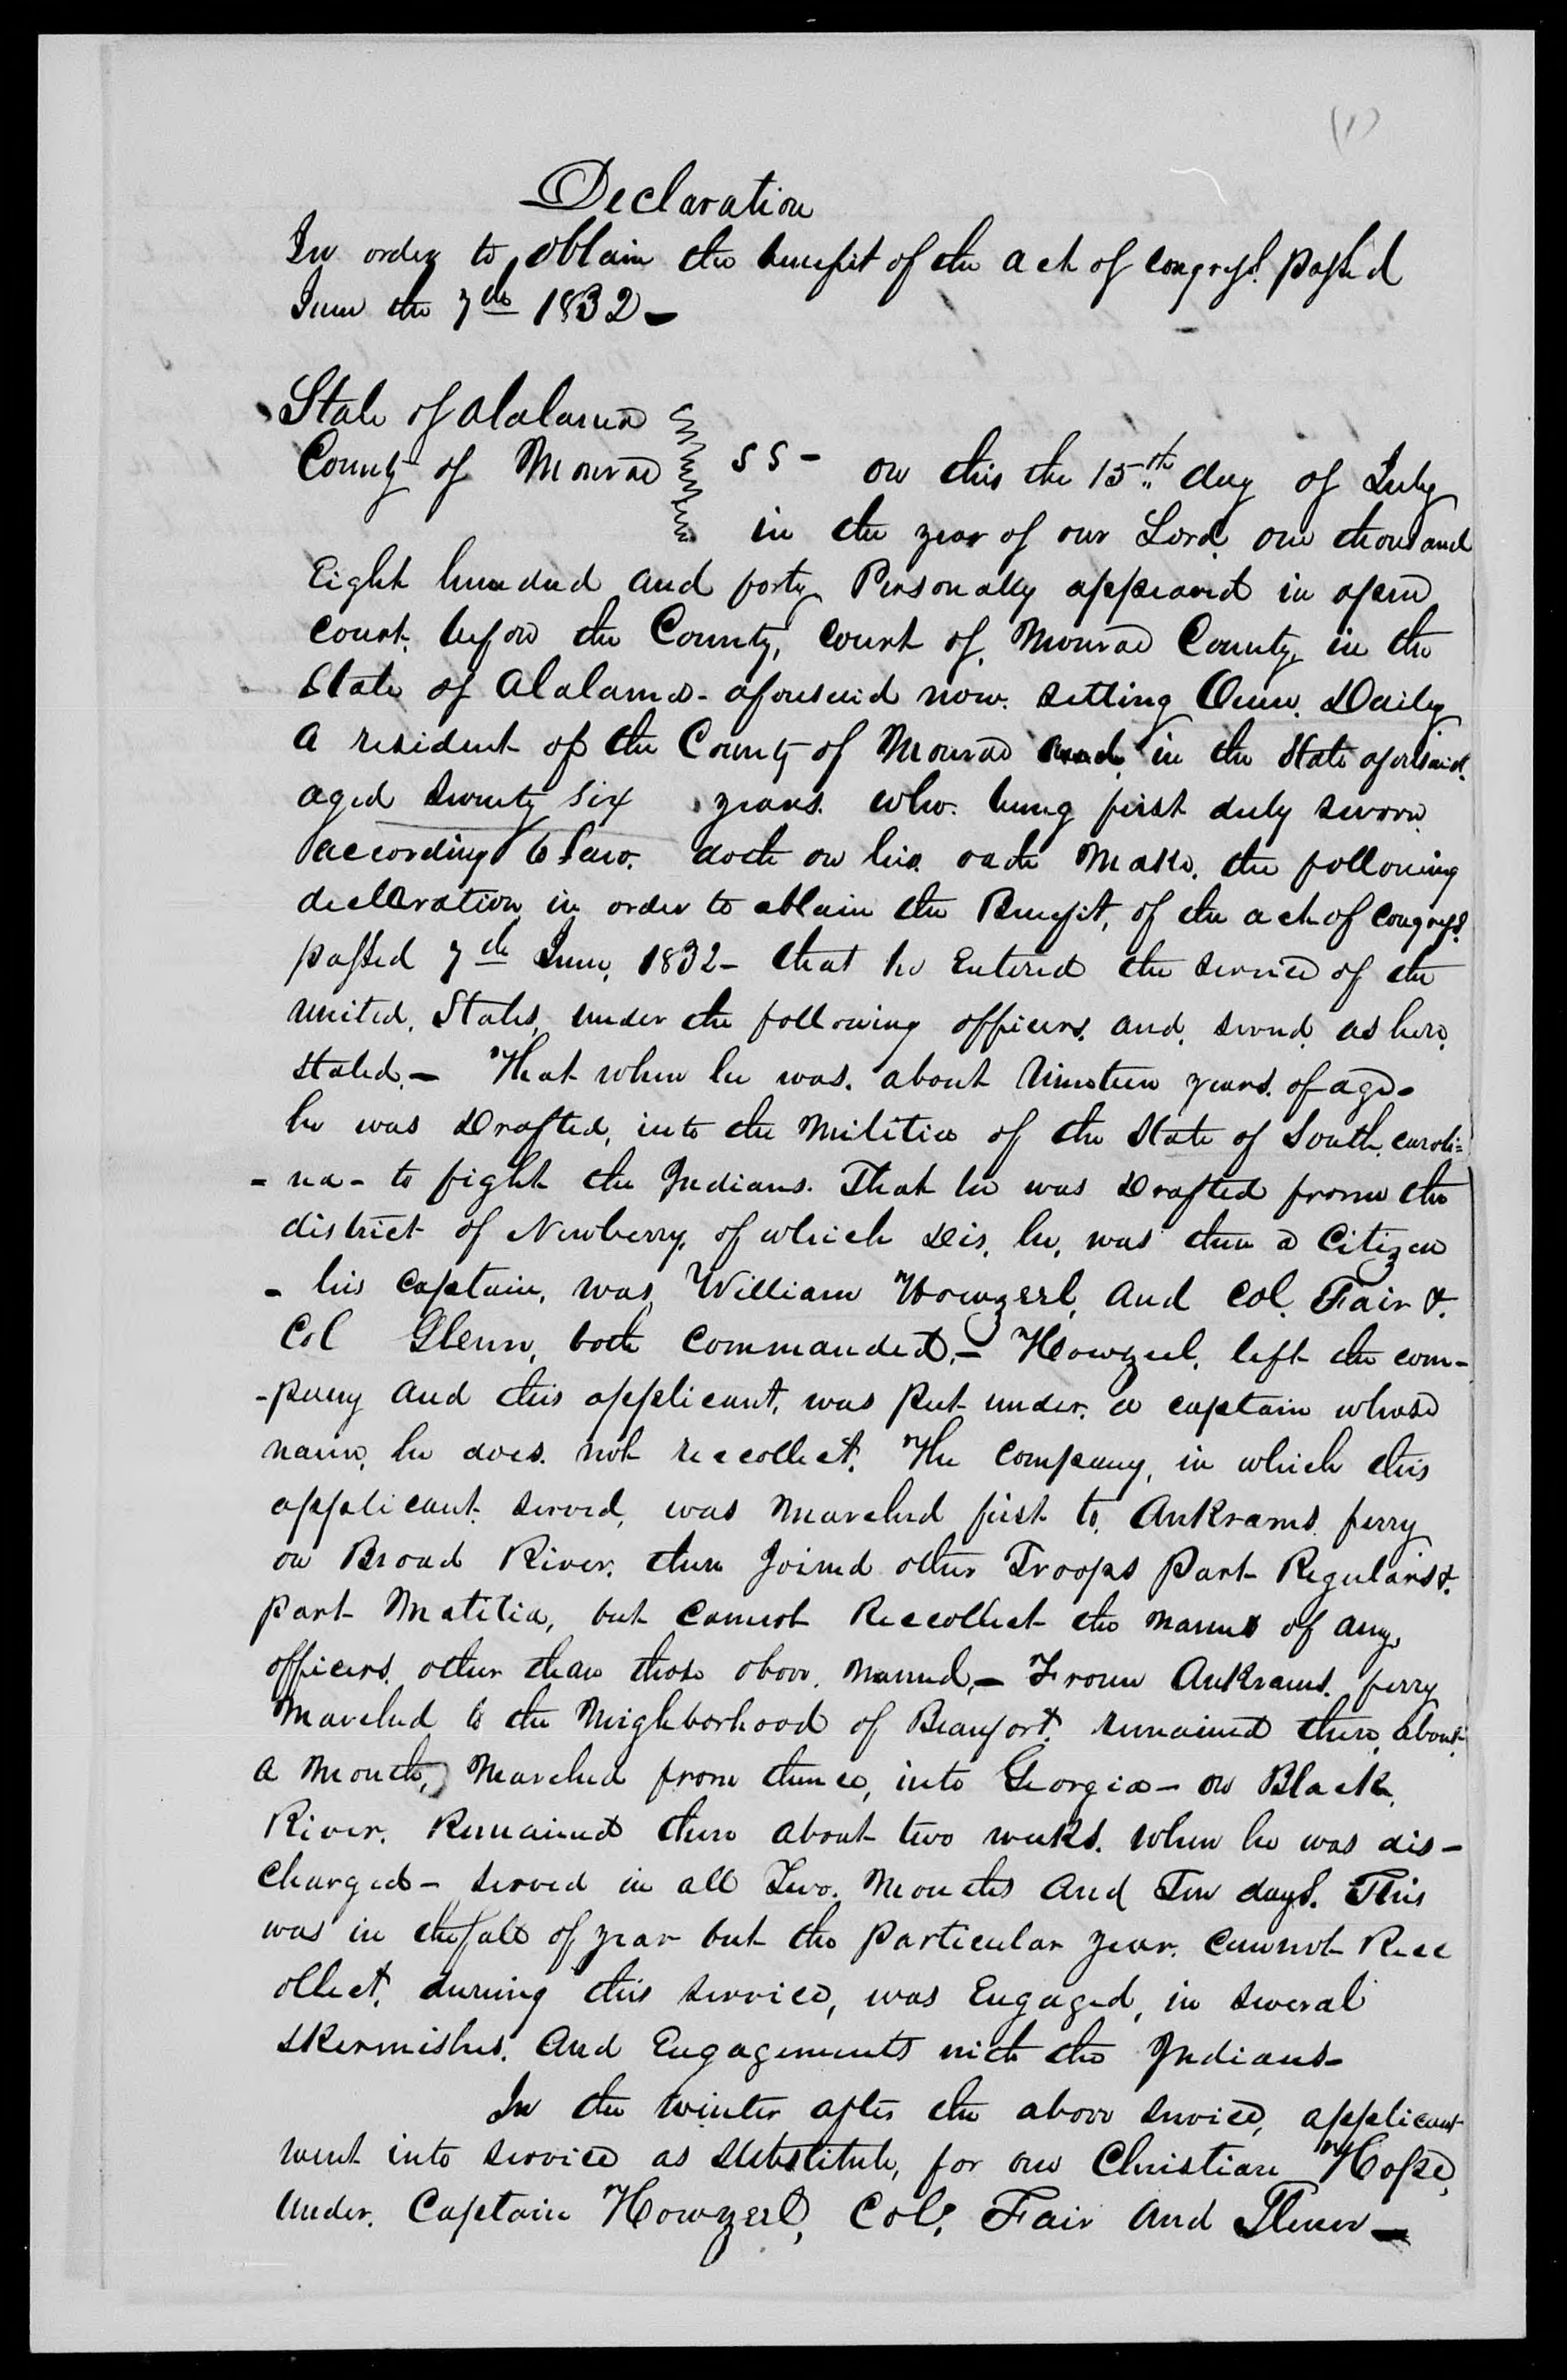Declaration in order to obtain the benefit of the act of Congress passed June the 7th 1832
State of Alabama County of Monroe: On this the 15th day of July in the year of our Lord 1840 personally appeared in open Court, before the County Court of Monroe County in the State of Alabama aforesaid now sitting Owen Daily a resident of the County of Monroe in the State aforesaid aged seventy-six years
who being first duly sworn according to law doth on his oath make the following declaration in order to obtain the Benefit of the act of Congress passed 7th of June 1832 -- that he entered the service of the United States under the following officers and served as herein stated -- That when he was about nineteen years of age, he was Drafted, into the Militia of the State of South Carolina to fight the Indians. That he was Drafted from the district of Newberry of which District he was then a Citizen -- his Captain was William Howzeel and Colonel Fair & Colonel
Glenn, both commanded – Howzeel left the company and this applicant was put under a Captain whose name he does not recollect. The company in which this applicant served, was marched first to AnKrams [Ancrum's] ferry on Broad River, there joined other troops part Regulars & part Militia, but cannot recollect the names of any officers other than those above named. From Ancrum's ferry marched to the neighborhood of Beaufort remained there about a month, marched from thence, into Georgia on Black River. Remained there about two weeks, when he was
discharged -- served in all two months and a few days. This was in the fall of the year but the particular year, cannot recollect, during this service, was engaged in several skirmishes and engagements with the Indians.
In the winter after the above service applicant went into service as substitute for one Christian Hope under Captain Howzeel, Colonel Fair and Glenn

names: William Howzeel, Fair, Howzeel, Glenn, Owen Dailey, Fair, Glenn, Howzeel, Christian Hope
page: 3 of 13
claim: rejected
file: R. 2,622, Owen Dailey, S.C.